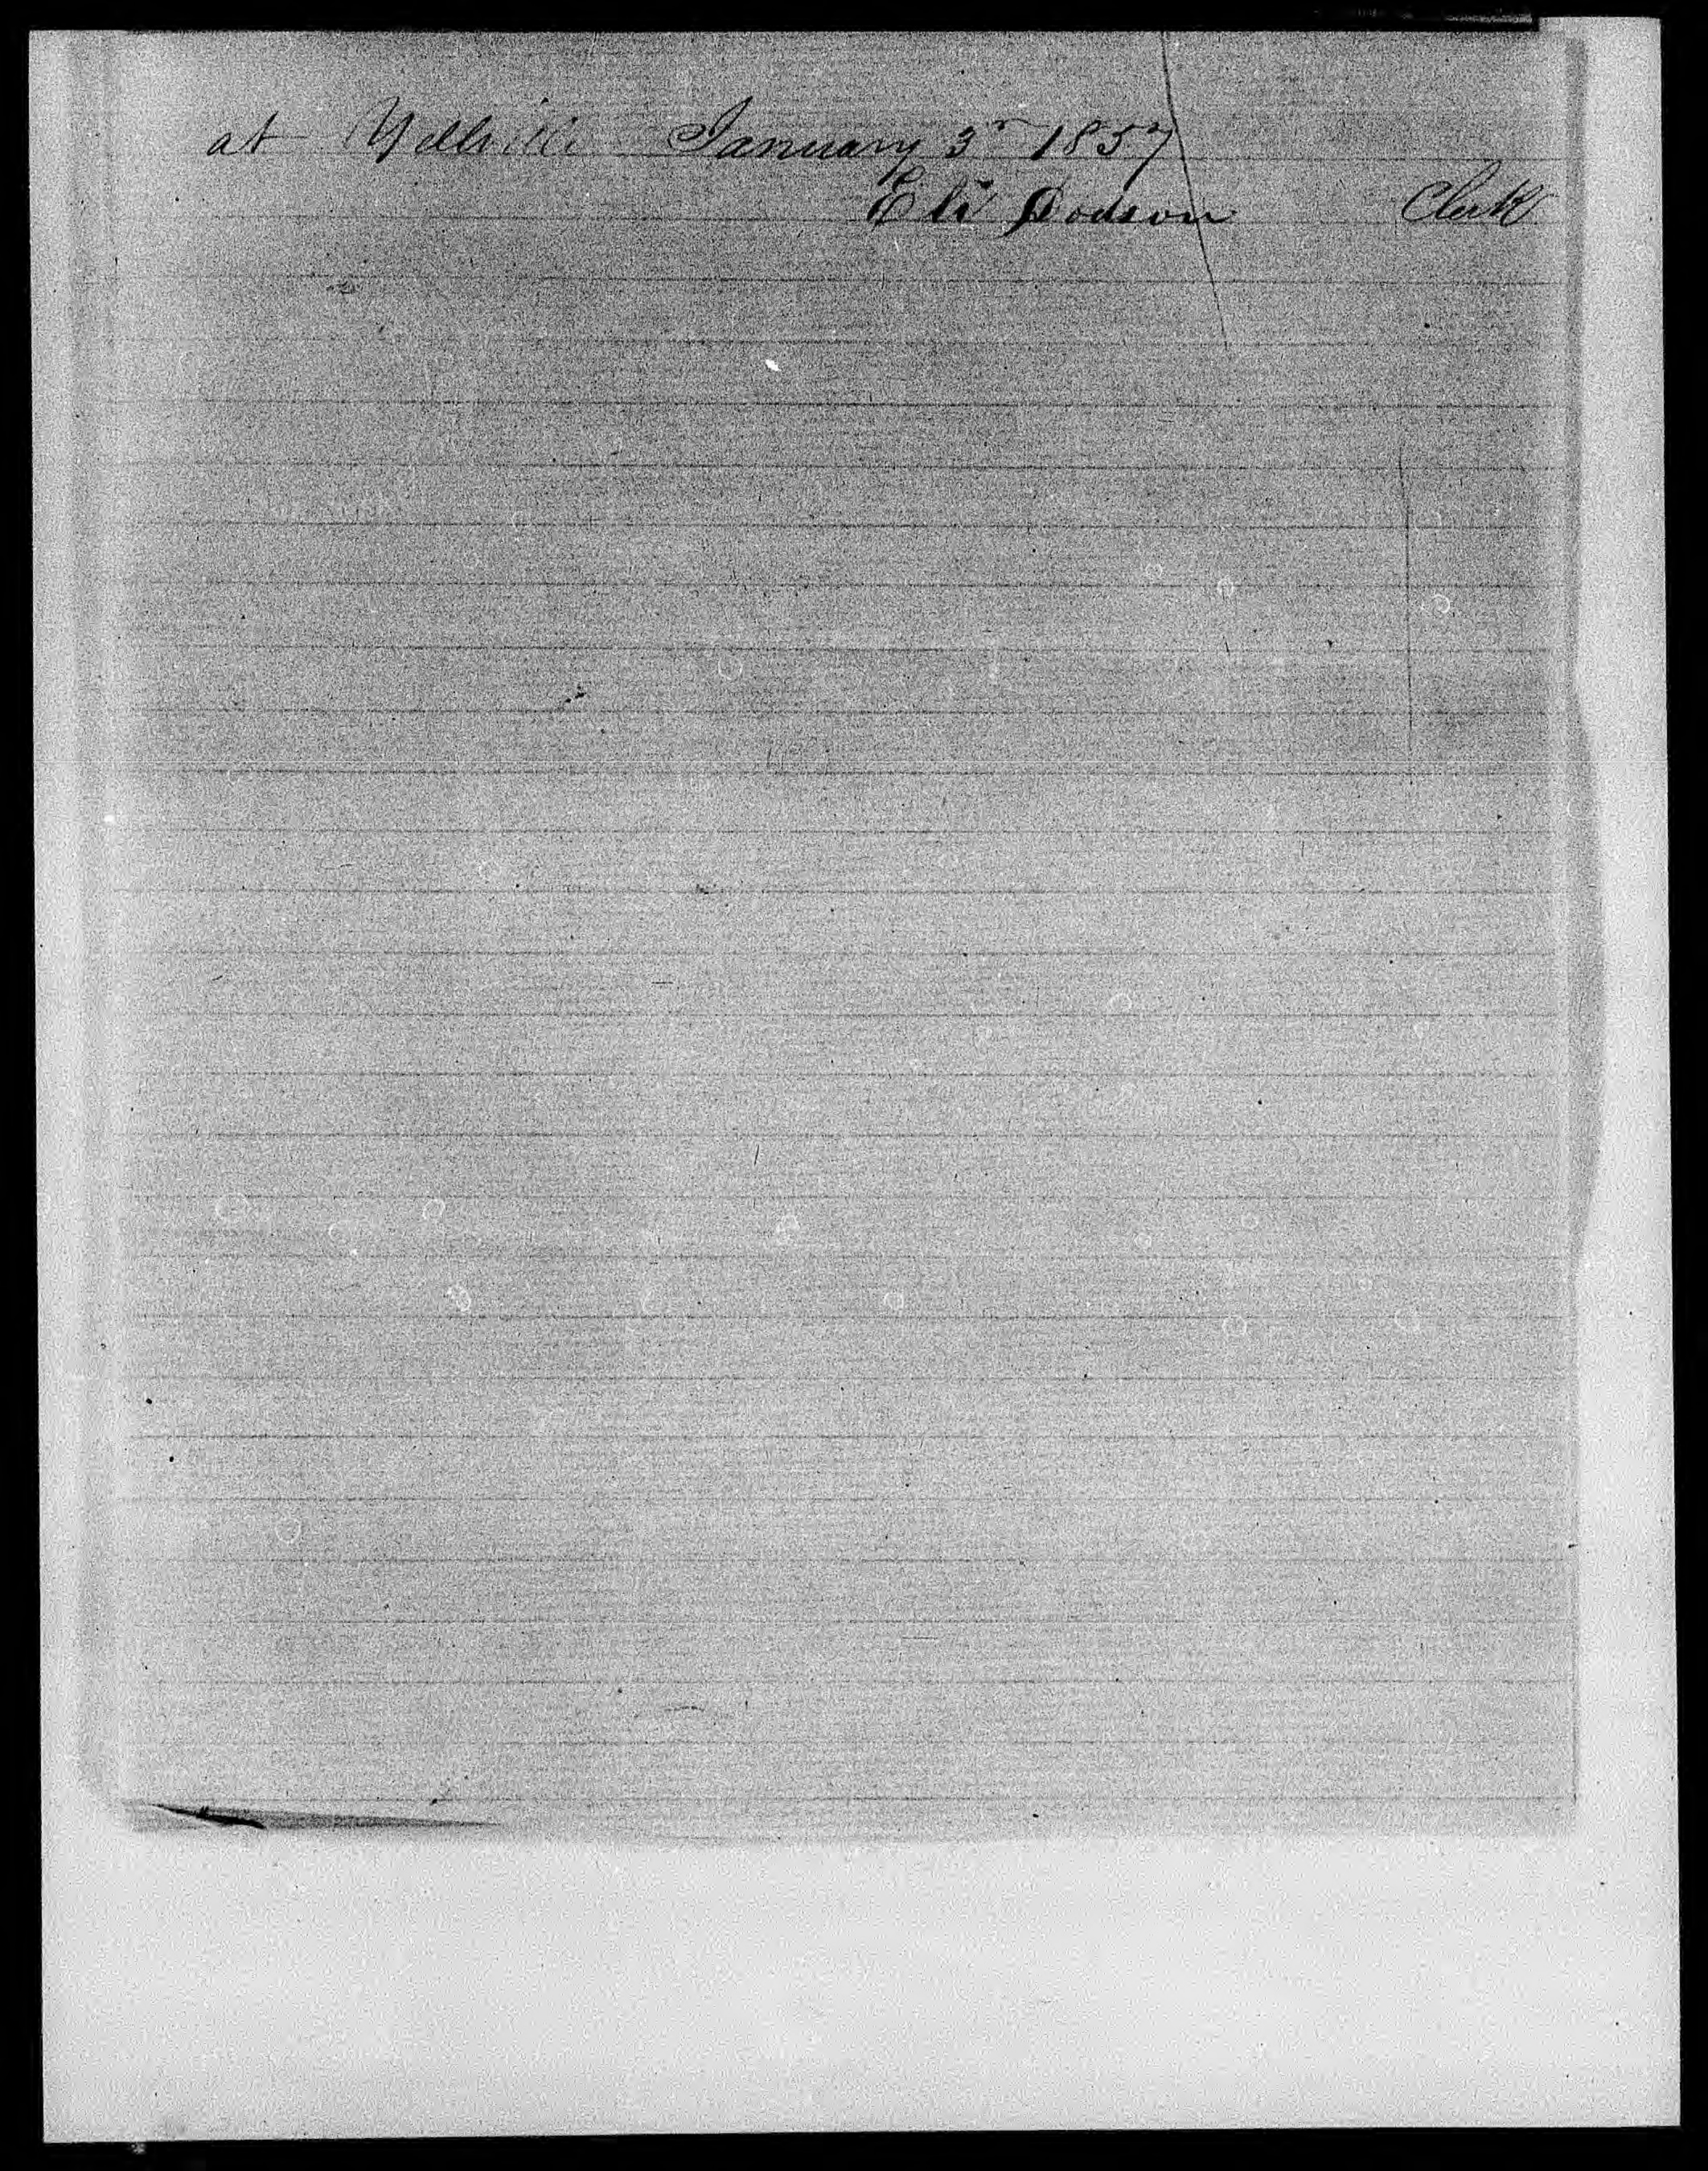at Yellville   January 3rd 1857
E W Dodson.  Clerk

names: E W Dodson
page: 73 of 115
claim: widow's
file: W. 1446, for John Mc Clung, South Carolina